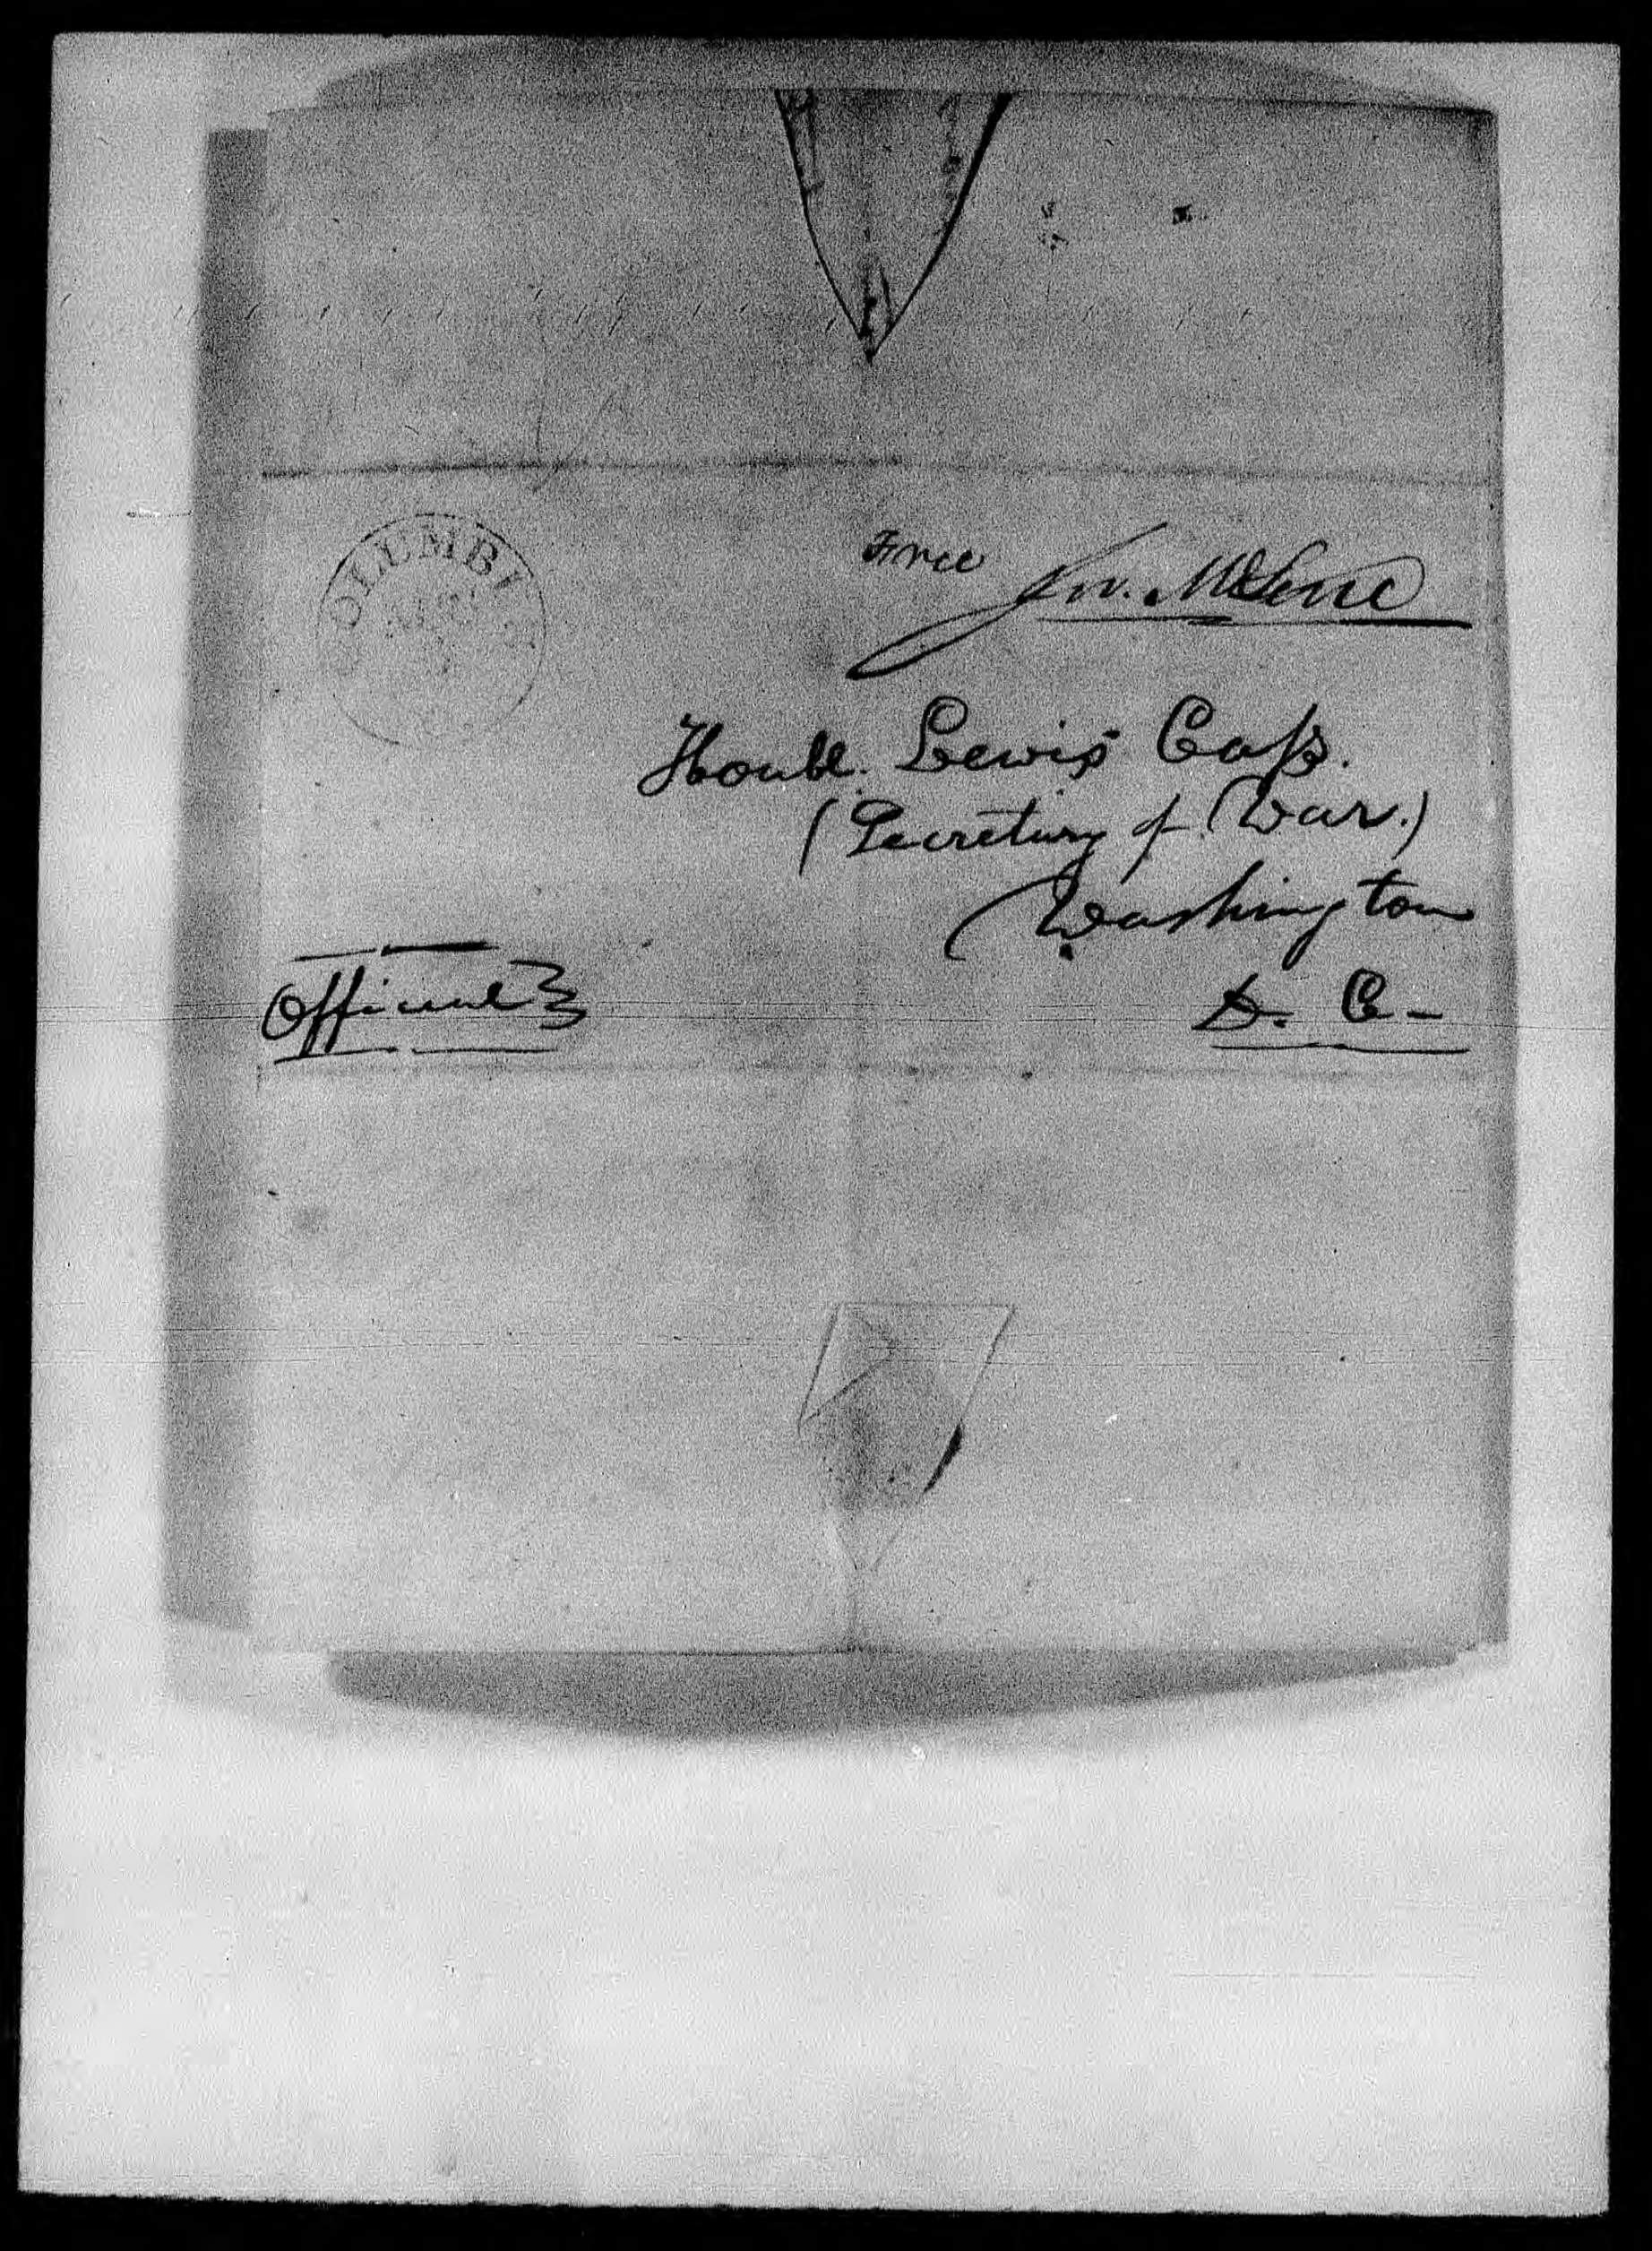Force Jos McLene

Honbl. Lewis Cass
(Secretary of War)
Washington
D. C. 

Official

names: Jos Mc Lene, Lewis Cass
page: 13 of 27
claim: survivor's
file: S. 17445, James Gregory, Conn.